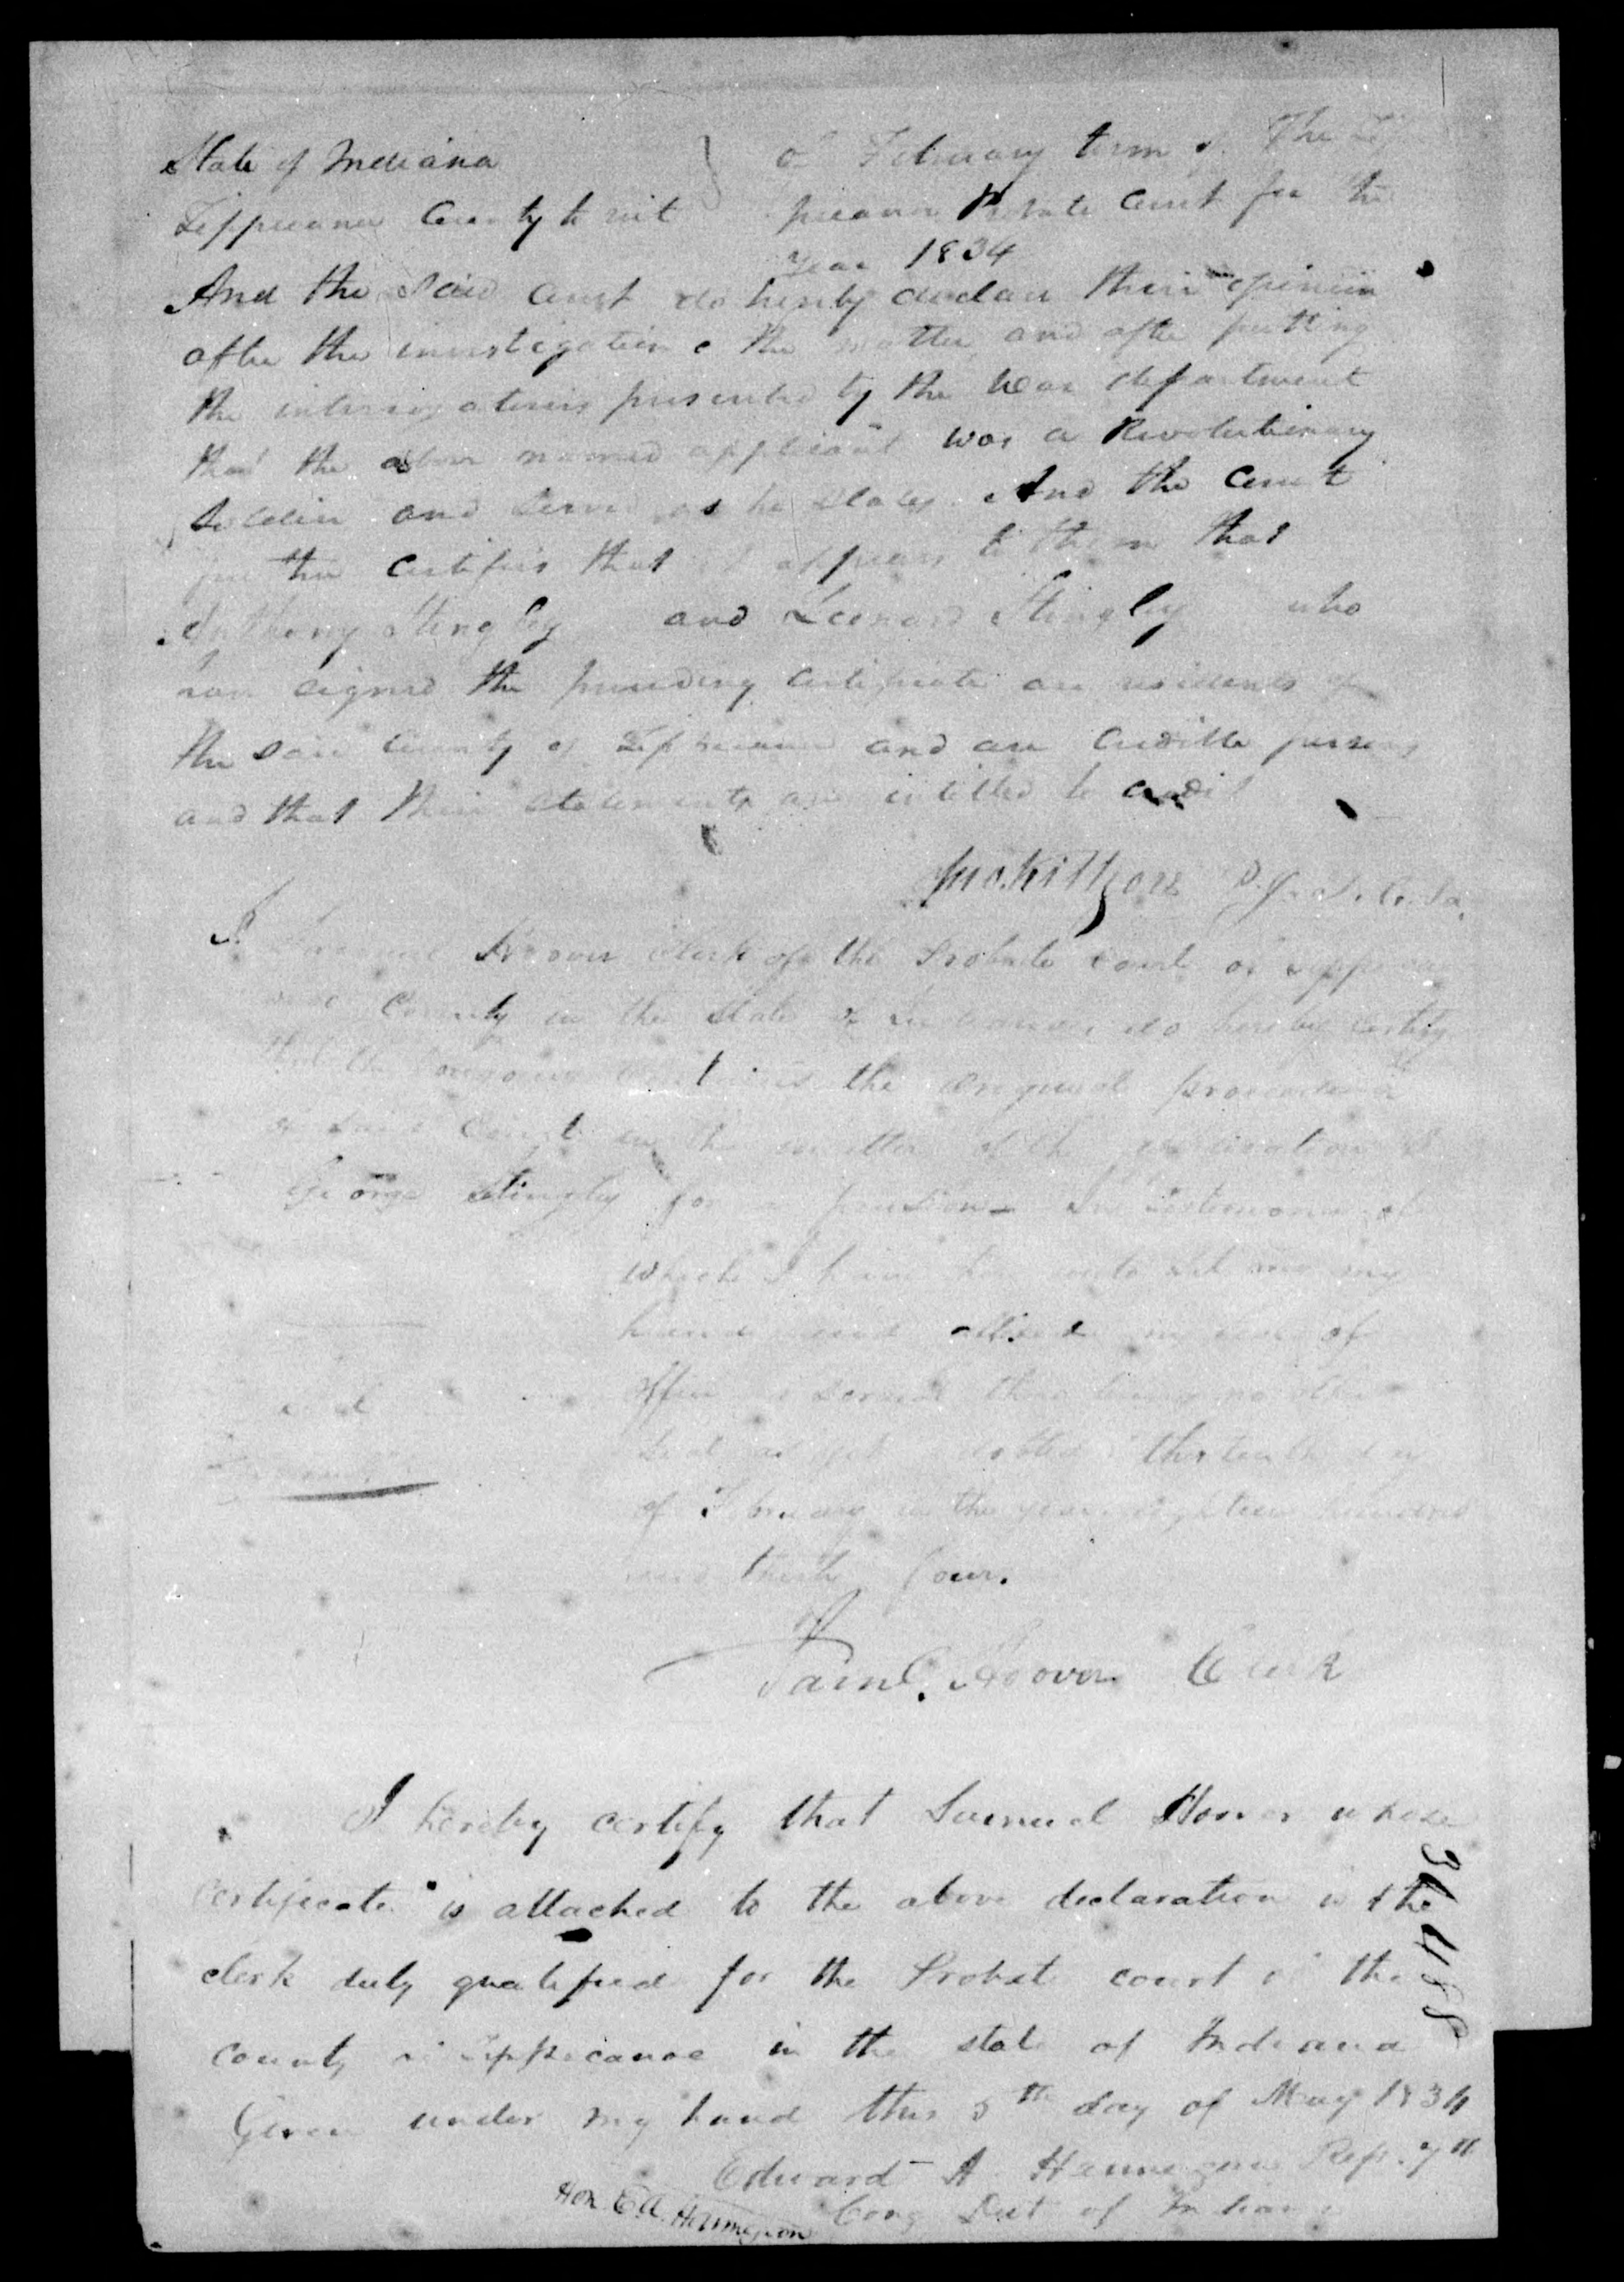State of Indiana
Tippecanoe County to wit}

of February term of The [illegible]
[illegible] Probate Court of the
year 1834
And the said court do hereby declare their opinion
of the investigation [illegible] the matter and of the putting
the interrogations presented by the War department
that above named applicant was a Revolutionary
Soldier and Served as he states. And the court
further Certifies that it appears to them that
Anthony Stingley and Leonard Stingley who
have signed the providing certificate and residents of
the said County of Tippecanoe and are Credible persons
and that their Statements are intitled to credit

[illegible] 

I Samuel Hoover Clerk of the Probate Court of Tippecanoe
said County in the State of Indiana  hereby certify
that the foregoing contained the original proceedings
of Said Court in the matter of the application of
George Stingley for a pension - In testimony of
which I have here unto set my 
hand and affixed my seal of 
office a served [illegible] having no other
Seal [illegible] this tenth day
of February in the year Eighteen hundred
thirty four.

Sam.l Hoover Clerk

I hereby certify that Samuel Hoover whose
certificate is attached to the above declaration in the
clerk duly qualified for the Probate court of the
county of Tippecanoe in the state of Indiana
Given under my hand this 5th day of May 1834

Edward A Hannegan Rep 7th
Cong Act of Indiana

Hon. E.A. Harrington

[following written on right side margin, perpendicular to the above:]
30.488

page: 6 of 12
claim: survivor's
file: S. 32543, for George Stingley, Virginia